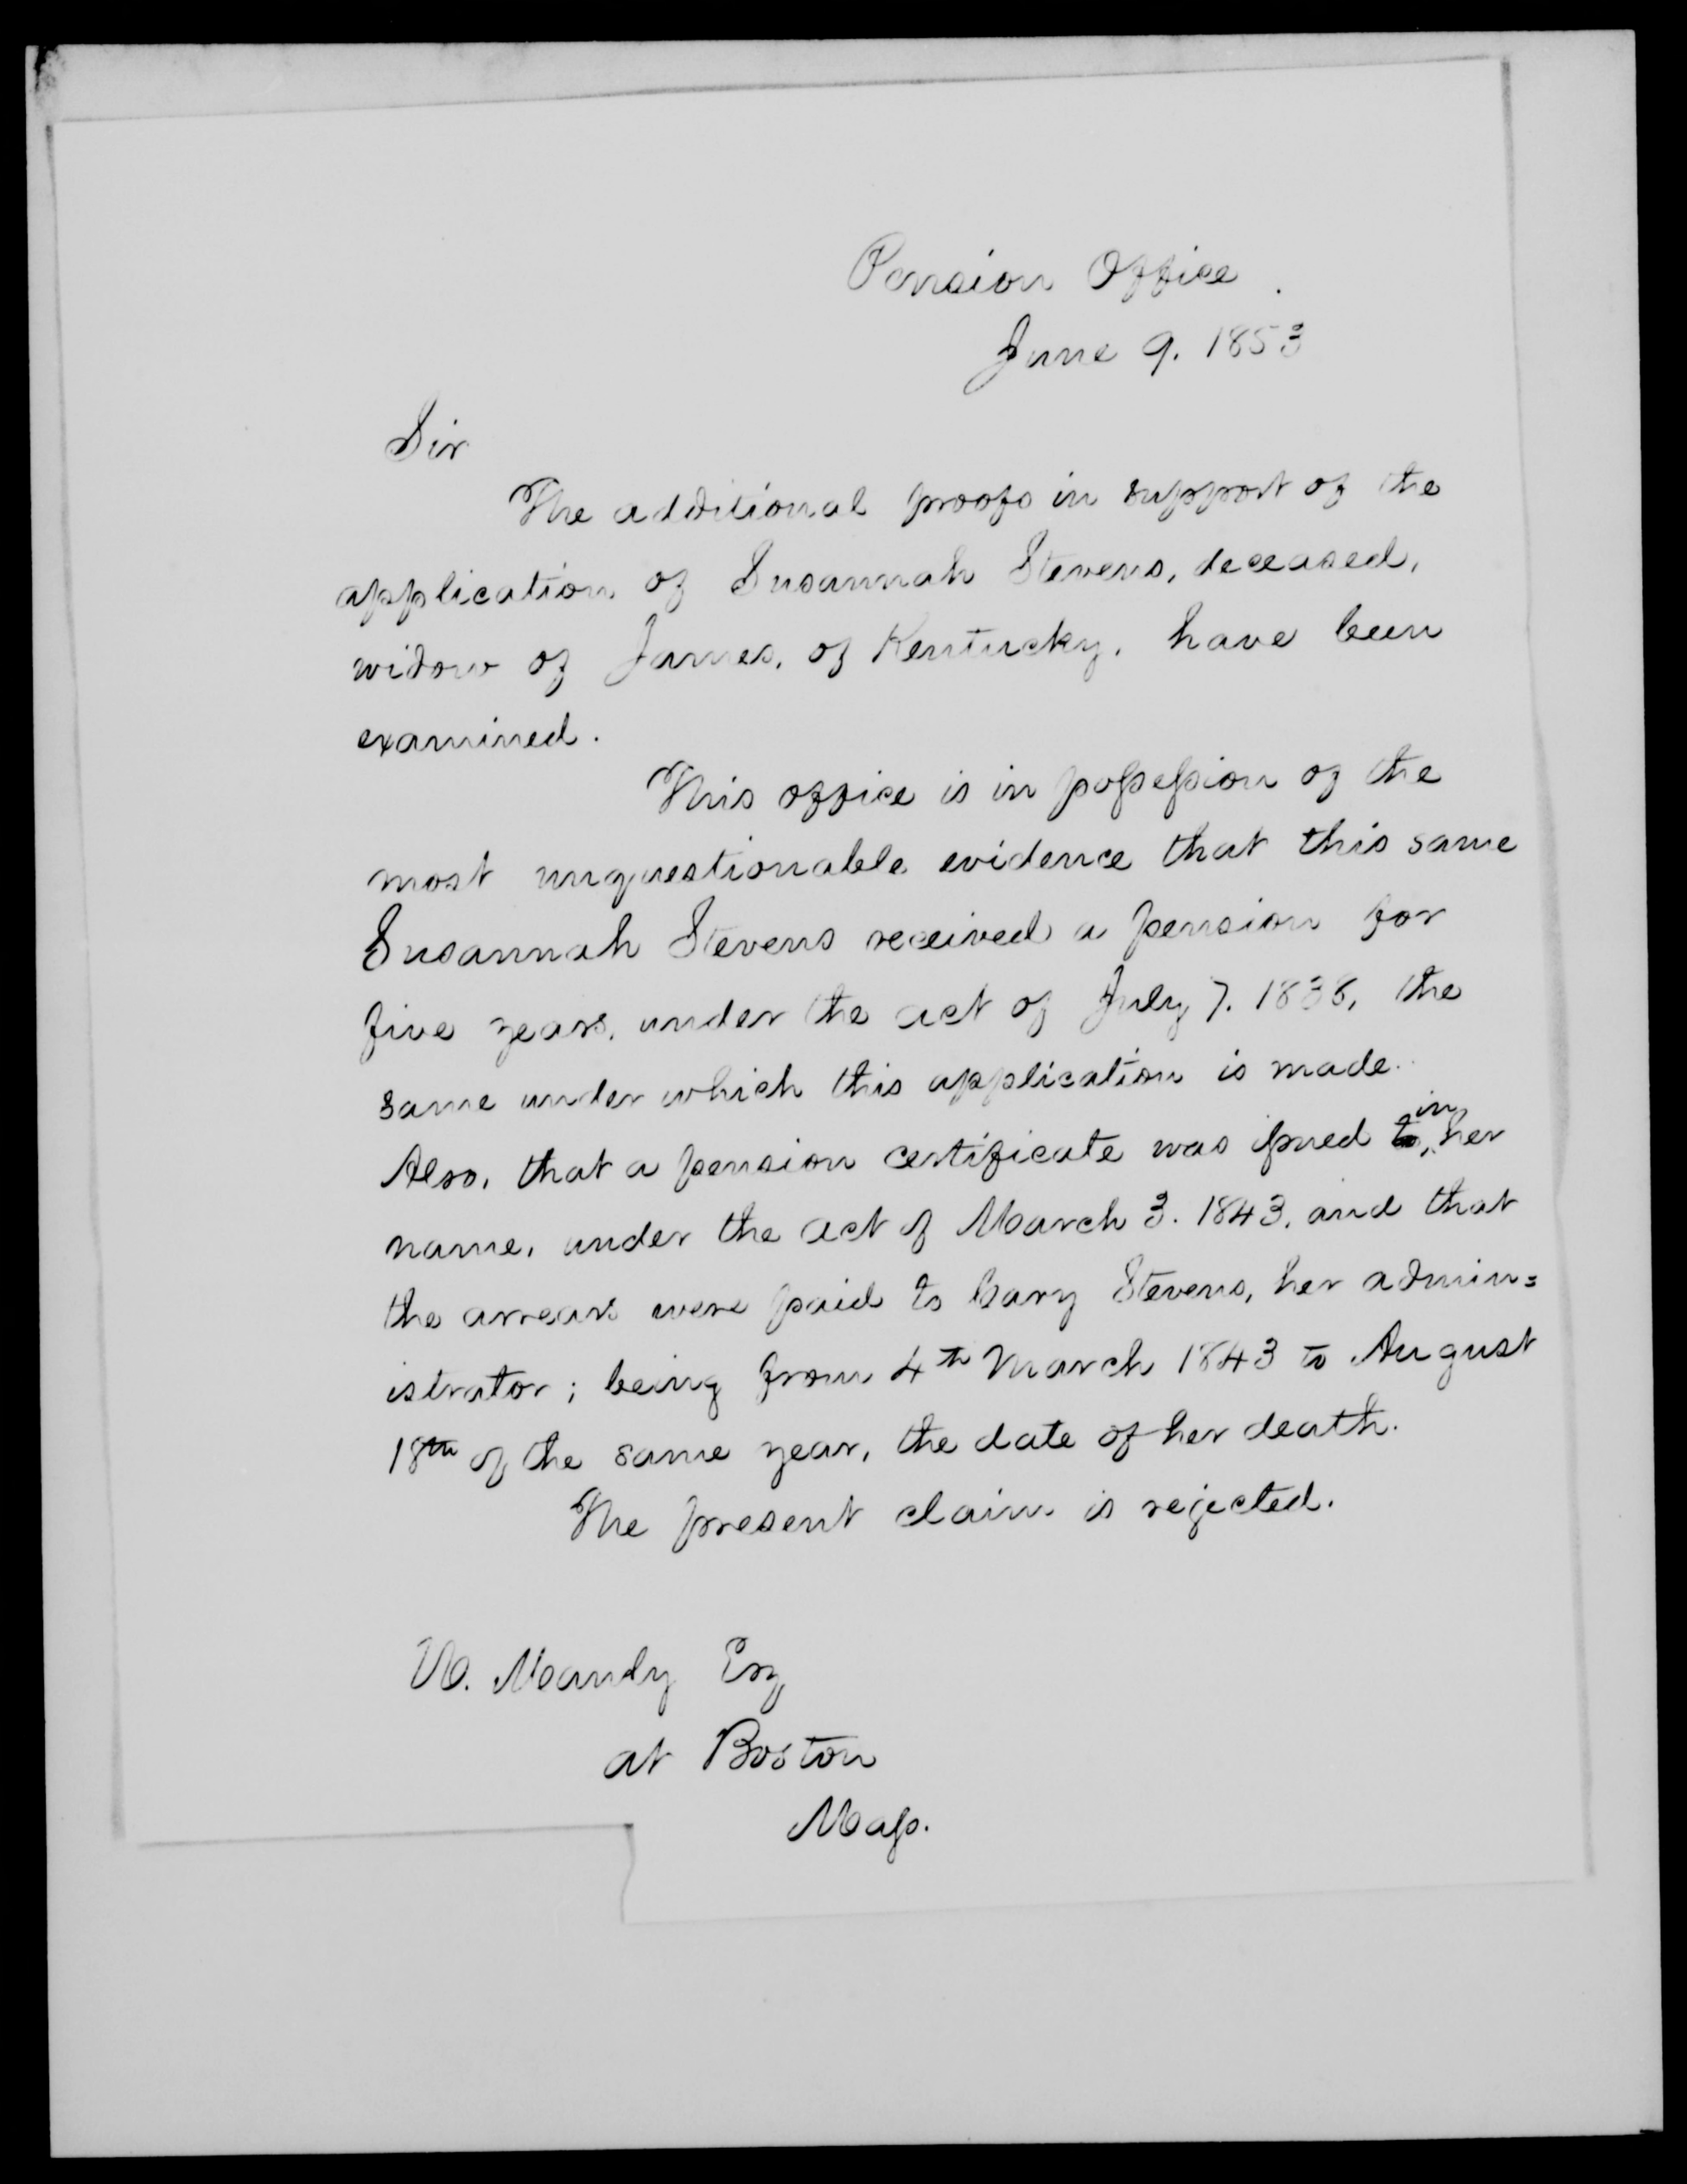Pension Office
June 9. 1853
Sir
The additional proofs in support of the
application of Susannah Stevens, deceased,
widow of James of Kentucky, have been
examined.
This office is in possession of the
most unquestionable evidence that this same
Susannah Stevens received a pension for
five years, under the act of July 7. 1838, the same
under which this application is made.
Also, that a pension certificate was issued in her
name, under the act of March 3, 1843, and that the arrears were paid to Gary Stevens, her administrator, being from 4th March 1843 to August 18th of the same year, the date of her death.
The present claim is rejected.
W. Meandy Esq
at Boston
Mass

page: 58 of 99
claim: widow's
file: W 8766, for James Stevens, Virginia